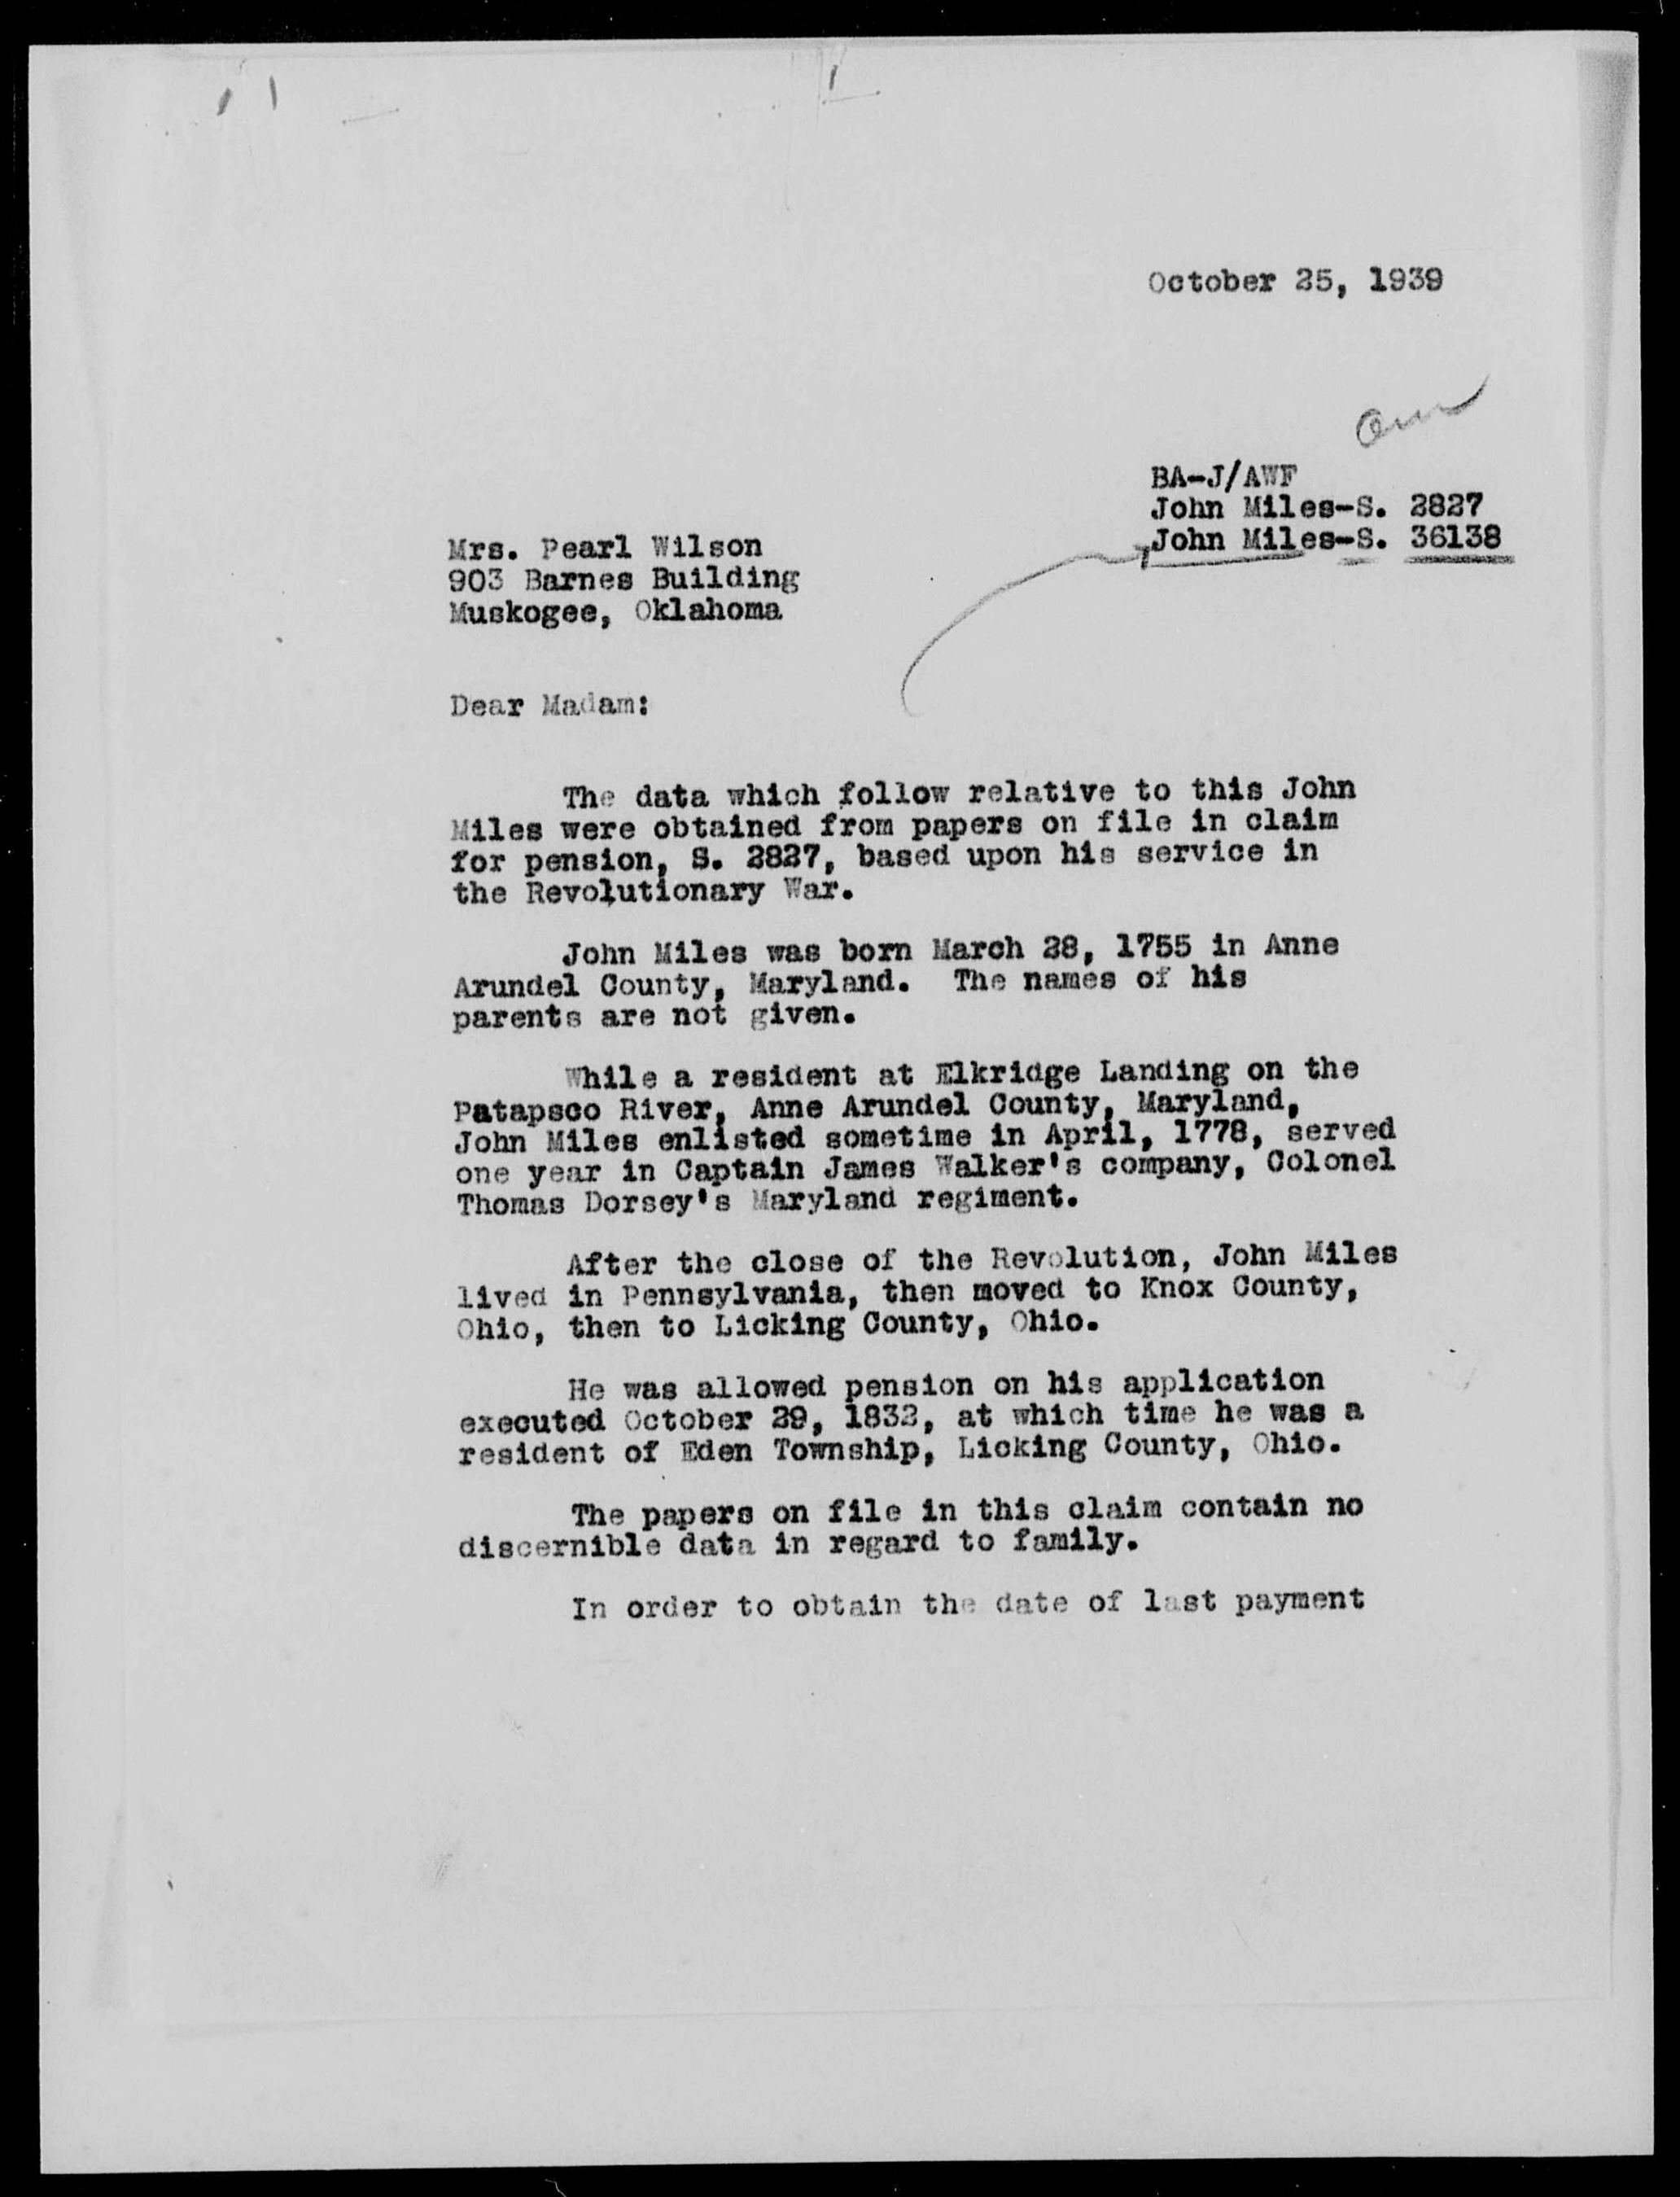BA-J/SWF
John Miles-S. 2827
John Miles-S. 36138

Mrs. Pearl Wilson
903 Barnes Building
Muskogee, Oklahoma

Dear Madam:

The data which follow relative to this John Miles were obtained from papers on file in claim for pension, S. 2827, based upon his service in the Revolutionary War.

John Miles was born March 28, 1755 in Anne Arundel County, maryland. The name of his parents are not given. 

While a resident at Elkridge Landing on the Patapsco River, Anne Arundel County, Maryland, John Miles enlisted sometime in April, 1778, served one year in Captain James Walker's company, Colonel Thomas Dorsey's Maryland regiment.

After the close of the Revolution, John Miles lived in Pennsylvania, then moved to Knox County, Ohio, then to Licking County, Ohio.

He was allowed pension on his application executed October 29, 1832, at which time he was a resident of Eden Township, LIcking County, Ohio.

The papers on file in this claim contain no discernible data in regard to family.

In order to obtain the date of last payment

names: John Miles; Pearl Wilson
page: 11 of 24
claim: survivor's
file: S 36138, for John Miles, Maryland